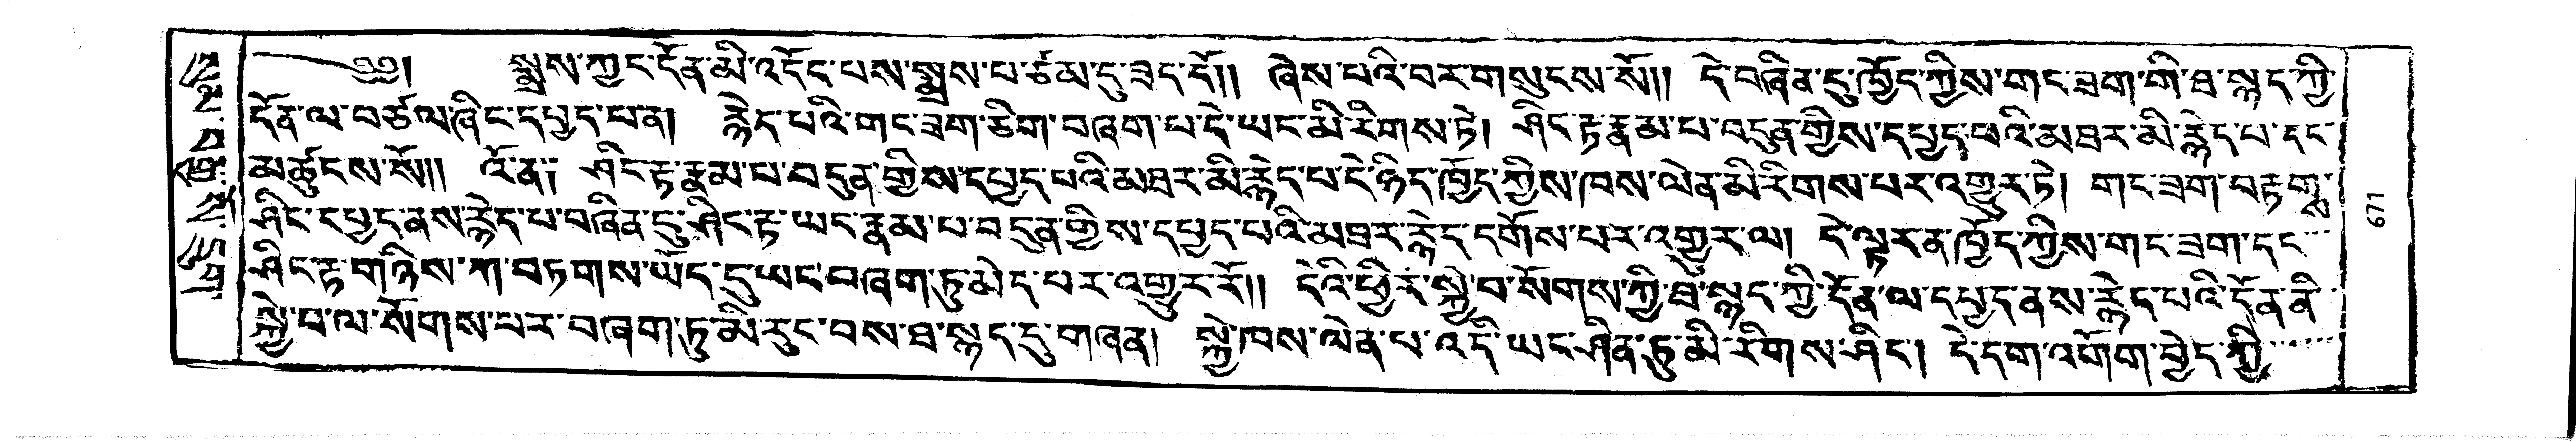༄༅། །སྨྲས་ཀྱང་དོན་མི་འདོད་པས་སྨྲས་པ་ཙམ་དུ་ཟད་དོ། །ཞེས་པའི་བར་གསུངས་སོ། །དེ་བཞིན་དུ་ཁྱོད་ཀྱིས་གང་ཟག་གི་ཐ་སྙད་ཀྱི་
དོན་ལ་བཙལ་ཞིང་དཔྱད་པ་ན། རྙེད་པའི་གང་ཟག་ཅིག་བཞག་པ་དེ་ཡང་མི་རིགས་ཏེ། ཤིང་རྟ་རྣམ་པ་བདུན་གྱིས་དཔྱད་པའི་མཐར་མི་རྙེད་པ་དང་
མཚུངས་སོ། །འོ་ན། ཤིང་རྟ་རྣམ་པ་བདུན་གྱིས་དཔྱད་པའི་མཐར་མི་རྙེད་པ་དེ་ཉིད་ཁྱོད་ཀྱིས་ཁས་ལེན་མི་རིགས་པར་འགྱུར་ཏེ། གང་ཟག་བརྟགས་
ཤིང་དཔྱད་ནས་རྙེད་པ་བཞིན་དུ་ཤིང་རྟ་ཡང་རྣམ་པ་བདུན་གྱིས་དཔྱད་པའི་མཐར་རྙེད་དགོས་པར་འགྱུར་ལ། དེ་ལྟར་ན་ཁྱོད་ཀྱིས་གང་ཟག་དང་
ཤིང་རྟ་གཉིས་ཀ་བཏགས་ཡོད་དུ་ཡང་བཞག་ཏུ་མེད་པར་འགྱུར་རོ། །དེའི་ཕྱིར་སྐྱེ་བ་སོགས་ཀྱི་ཐ་སྙད་ཀྱི་དོན་ལ་དཔྱད་ནས་རྙེད་པའི་དོན་ནི་
སྐྱེ་བ་ལ་སོགས་པར་བཞག་ཏུ་མི་རུང་བས་ཐ་སྙད་དུ་གཞན། སྐྱེ་ཁས་ལེན་པ་འདི་ཡང་ཤིན་ཏུ་མི་རིགས་ཤིང་། དེ་དག་འགོག་བྱེད་ཀྱི་